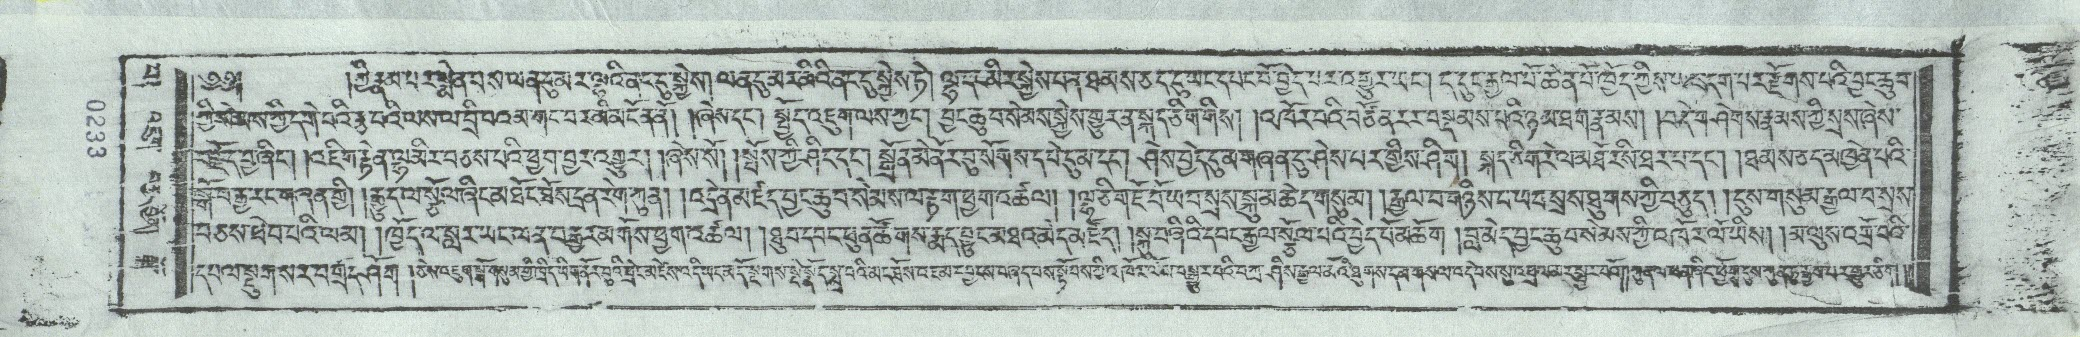༄༅། །ཀྱི་རྣམ་པར་སྨིན་པས་ལན་དུ་མར་ལྷའི་ནང་དུ་སྐྱེས། ལན་དུ་མར་མིའི་ནང་དུ་སྐྱེས་ཏེ། ལྷ་དང་མིར་སྐྱེས་བ་ན་ཐམས་ཅད་དུ་ཡང་དབང་པོ་བྱེད་པར་འགྱུར་ཡང་། ད་དུང་རྒྱལ་པོ་ཆེན་པོ་ཁྱོད་ཀྱིས་ཡང་དག་པར་རྫོགས་པའི་བྱང་ཆུབ་
ཀྱི་སེམས་ཀྱི་དགེ་བའི་རྩ་བའི་ལས་ལ་བྲི་བའམ་གང་བར་མི་མངོན་ནོ། །ཞེས་དང་། སྤྱོད་འཇུག་ལས་ཀྱང་། བྱང་ཆུབ་སེམས་སྐྱེས་གྱུར་ན་སྐད་ཅིག་གིས། །འཁོར་བའི་བཙོན་རར་བསྡམས་པའི་ཉམ་ཐག་རྣམས། །བདེ་གཤེགས་རྣམས་ཀྱི་སྲས་ཞེས་
བརྗོད་བྱ་ཞིང་། །འཇིག་རྟེན་ལྷ་མིར་བཅས་པའི་ཕྱག་བྱར་འགྱུར། །ཞེས་སོ། །སྤོས་ཀྱི་ཤིང་དང་། སྒྲོན་མེ་ནོར་བུ་སོགས་དཔེ་དུ་མ་དང་། ཤེས་བྱེད་དུ་མ་གཞན་དུ་ཤེས་པར་གྱིས་ཤིག། སྐད་ཅིག་རེ་ལ་མཐོ་རིས་ཐར་པ་དང་། །ཐམས་ཅད་མཁྱེན་པའི་
སྒོ་བརྒྱ་རང་གཞན་གྱི། །རྒྱུད་ལ་སྩོལ་ཞིང་མཐོང་ཐོས་དྲན་རེག་ཀུན། །འདྲེན་མཛད་བྱང་ཆུབ་སེམས་ལ་རྟག་ཕྱག་འཚལ། །ལྷ་ཅིག་ཇོ་བོ་ཡབ་སྲས་སྐུ་མཆེད་གསུམ། །རྒྱལ་བ་གཉིས་པ་ཡབ་སྲས་ཐུགས་ཀྱི་བཅུད། །དུས་གསུམ་རྒྱལ་བ་སྲས་
བཅས་ཕེབ་པའི་ལམ། །ཁྱོད་ལ་སླར་ཡང་ལན་བརྒྱར་མགོས་ཕྱག་འཚལ། །ཐུབ་དབང་ཕུན་ཚོགས་རྨད་བྱུང་མཐའ་མེད་མཛོད། །སྐུ་བཞིའི་དབང་རྒྱལ་སྩོལ་པའི་བྱེད་པོ་མཆོག །བླ་མེད་བྱང་ཆུབ་སེམས་ཀྱི་འཁོར་ལོ་ཡིས། །མ་ལུས་འགྲོ་བའི་
དཔལ་སྡུག་སར་བགྲོད་ཤོག་།ཅེས་འཇུག་སྒོ་གསུམ་གྱི་ཁྲིད་ཡིག་ནོར་བུའི་ཕྲེང་མཛེས་འདི་ཡང་མདོ་སྔགས་སྡེ་སྣོད་སྨྲ་བའི་མང་ཐོས་འཇམ་དབྱངས་བཞད་པས་སྟོབས་ཀྱི་འཁོར་ལོས་བསྒྱུར་བའི་བཀྲ་ཤིས་རྒྱལ་མོའི་ཐུགས་དམ་གསལ་འདེབས་སུ་འཕྲལ་མར་སྦྱར་བའོ། །ཀུན་ལ་ཕན་ཞིང་ཕྱོགས་དུས་ཀུན་ཏུ་རྒྱས་པར་གྱུར་ཅིག།།